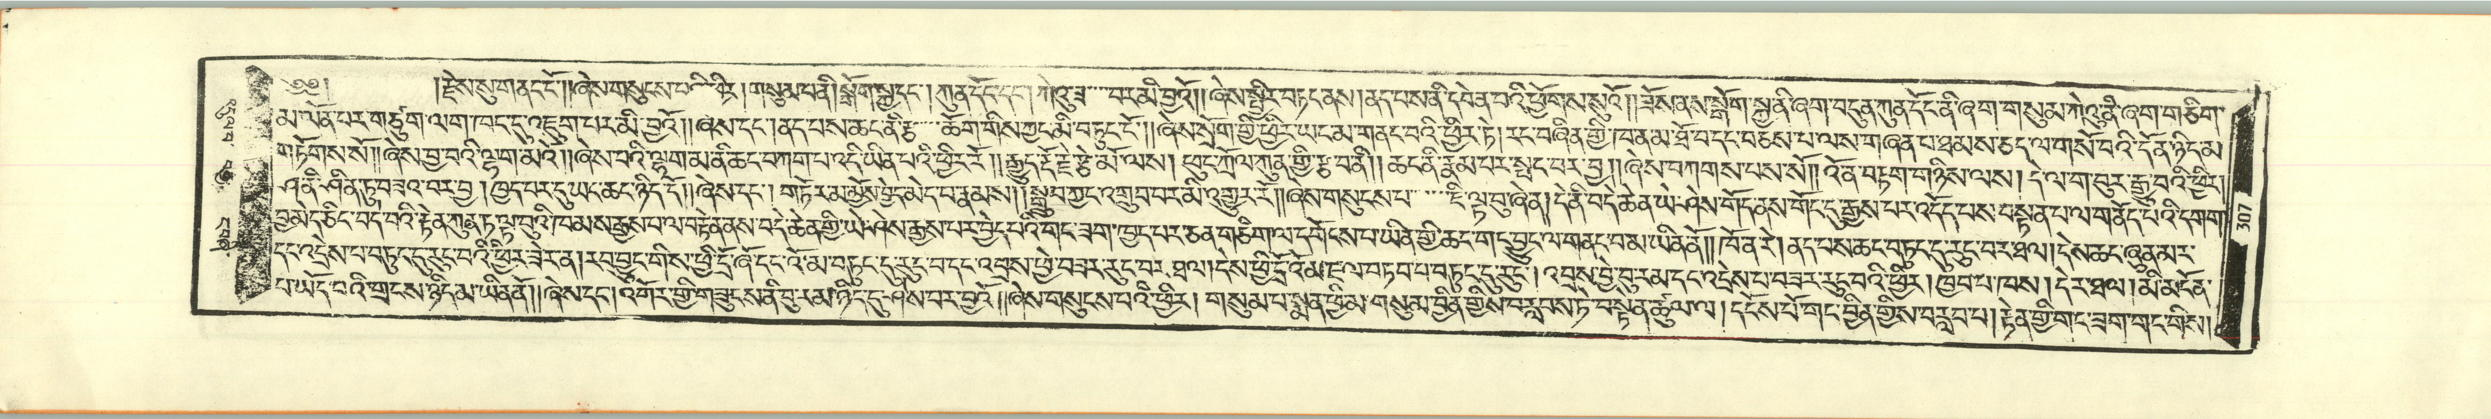༄༅། །རྗེས་སུ་གནང་ངོ། །ཞེས་གསུངས་པའི་ཕྱིར། གསུམ་པ་ནི། སྒོག་སྐྱ་དང་། ཀུན་དོང་དང་། ཀེའུ་ཟ་བར་མི་བྱའོ། །ཞེས་སྤྱིར་བཏང་ནས། ནད་པས་ནི་དབེན་པའི་ཕྱོགས་སུའོ། །ཟོས་ནས་སྒོག་སྐྱ་ནི་ཞག་བདུན་ཀུན་དོང་ནི་ཞག་གསུམ་ཀེའུ་ནི་ཞག་གཅིག་
མ་ལོན་པར་གཙུག་ལག་ཁང་དུ་འཇུག་པར་མི་བྱའོ། །ཞེས་དང་། ནད་པས་ཆང་ནི་རྩ་ཆོག་གིས་ཀྱང་མི་བཏུང་ངོ། །ཞེས་སྲོག་གྱི་ཕྱིར་ཡང་མ་གནང་བའི་ཕྱིར་ཏེ། རང་བཞིན་གྱི་ཁ་ན་མ་ཐོ་བ་དང་བཅས་པ་ལས་གཞན་པ་ཐམས་ཅད་ལ་གསོ་བའི་དོན་ཉིད་མ་
གཏོགས་སོ། །ཞེས་བྱ་བའི་ལྷག་མའོ། །ཞེས་པའི་ལྷག་མ་ནི་ཆང་བཀག་པ་འདི་ཡིན་པའི་ཕྱིར་རོ། །རྒྱུད་རྡོ་རྗེ་རྩེ་མོ་ལས། ཕུང་ཀྲོལ་ཀུན་གྱི་རྩ་བ་ནི། །ཆང་ནི་རྣམ་པར་སྤང་བར་བྱ། །ཞེས་བཀགས་པས་སོ། །འོ་ན་བརྟག་གཉིས་ལས། དེ་ལ་ག་བུར་རྒྱུ་བའི་ཕྱིར།
ཤ་ནི་ཤིན་ཏུ་བཟའ་བར་བྱ། ཁྱད་པར་དུ་ཡང་ཆང་ཉིད་དོ། །ཞེས་དང་། གཏོར་མ་མྱོས་བྱེད་མེད་པ་རྣམས། །སྒྲུབ་ཀྱང་འགྲུབ་པར་མི་འགྱུར་རོ། །ཞེས་གསུངས་པ་ཇི་ལྟ་བུ་ཞེ་ན། དེ་ནི་བདེ་ཆེན་ཡེ་ཤེས་གོད་ནས་གོང་དུ་རྒྱས་པར་འདོད་པས་བསྟན་པ་ལ་གནོད་པའི་དགག་
བྱ་མེད་ཅིང་བདེ་བའི་རྟེན་ཀུན་ཏ་ལྟ་བུའི་ཁམས་རྒྱས་པ་ལ་བརྟེན་ནས་བདེ་ཆེན་གྱི་ཡེ་ཤེས་རྒྱས་པར་བྱེད་པའི་གང་ཟག་ཁྱད་པར་ཅན་གཅིག་ལ་དགོངས་པ་ཡིན་གྱི་ཆང་གང་བྱུང་ལ་གནང་བ་མ་ཡིན་ནོ། །ཁོ་ན་རེ། ནད་པས་ཆང་བཏུང་དུ་རུང་བར་ཐལ། དེས་ཆང་ཞུན་མར་
དང་འདྲེས་པ་བཏུང་དུ་རུང་བའི་ཕྱིར་ཟེར་ན། རབ་བྱུང་གིས་ཕྱི་དྲོ་ཞོ་དང་འོ་མ་བཏུང་དུ་རུང་བ་དང་འབྲས་ཕྱེ་བཟར་རུང་བར་ཐལ། དེས་ཕྱི་དྲོ་འོ་མ་ཇལ་བཏབ་པ་བཏུང་དུ་རུང་། འབྲས་བྱེ་བུ་རམ་དང་འདྲེས་པ་བཟར་རུང་བའི་ཕྱིར། ཁྱབ་པ་ཁས། དེར་ཐལ། མི་མངོན་
པ་ཡོད་པའི་གྲངས་ཉིད་མ་ཡིན་ནོ། །ཞེས་དང་། འགོར་གྱི་གཟུངས་ནི་བུ་རམ་ཉིད་དུ་ཤེས་པར་བྱའོ། །ཞེས་གསུངས་པའི་ཕྱིར། གསུམ་པ་སྨན་ཕྱི་མ་གསུམ་བྱིན་གྱིས་བརླབས་ཏེ་བསྟེན་ཚུལ་ལ། དངོས་པོ་གང་བྱིན་གྱིས་བརླབ་པ། རྟེན་གྱི་གང་ཟག་གང་གིས།